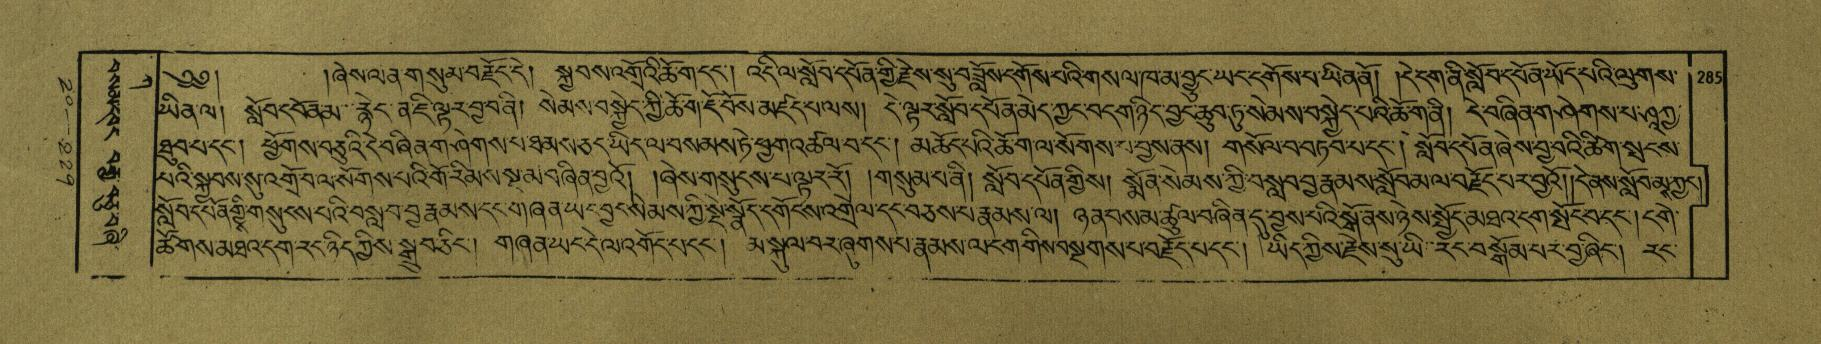༄༅། །ཞེས་ལན་གསུམ་བརྗོད་དེ། སྐྱབས་འགྲོའི་ཆོ་ག་དང་། འདི་ལ་སློབ་དཔོན་གྱི་རྗེས་སུ་བཟློས་དགོས་པའི་གསལ་ཁ་མ་བྱུང་ཡང་དགོས་པ་ཡིན་ནོ། །དེ་དག་ནི་སློབ་དཔོན་ཡོད་པའི་ལུགས་
ཡིན་ལ། སློབ་དཔོན་མ་རྙེད་ན་ཇི་ལྟར་བྱ་བ་ནི། སེམས་བསྐྱེད་ཀྱི་ཆོ་ག་ཇོ་བོས་མཛད་པ་ལས། དེ་ལྟར་སློབ་དཔོན་མེད་ཀྱང་བདག་ཉིད་བྱང་ཆུབ་ཏུ་སེམས་བསྐྱེད་པའི་ཆོ་ག་ནི། དེ་བཞིན་གཤེགས་པ་ཤཱཀྱ་
ཐུབ་པ་དང་། ཕྱོགས་བཅུའི་དེ་བཞིན་གཤེགས་པ་ཐམས་ཅད་ཡིད་ལ་བསམས་ཏེ་ཕྱག་འཚལ་བ་དང་། མཆོད་པའི་ཆོ་ག་ལ་སོགས་པ་བྱས་ནས། གསོལ་བ་བཏབ་པ་དང་། སློབ་དཔོན་ཞེས་བྱ་བའི་ཚིག་སྤངས་
པའི་སྐྱབས་སུ་འགྲོ་བ་ལ་སོགས་པའི་གོ་རིམས་སྔ་མ་བཞིན་བྱའོ། །ཞེས་གསུངས་པ་ལྟར་རོ། །གསུམ་པ་ནི། སློབ་དཔོན་གྱིས། སྨོན་སེམས་ཀྱི་བསླབ་བྱ་རྣམས་སློབ་མ་ལ་བརྗོད་པར་བྱའོ། །དེ་ནས་སློབ་མས་ཀྱང་།
སློབ་དཔོན་གྱིས་གསུངས་པའི་བསླབ་བྱ་རྣམས་དང་གཞན་ཡང་བྱང་སེམས་ཀྱི་སྡེ་སྣོད་དགོངས་འགྲེལ་དང་བཅས་པ་རྣམས་ལ། ཉན་བསམ་ཚུལ་བཞིན་དུ་བྱས་པའི་སྒོ་ནས་ཉེས་སྤྱོད་མཐའ་དག་སྤོང་བ་དང་། དགེ་
ཚོགས་མཐའ་དག་རང་ཉིད་ཀྱིས་སྒྲུབ་ཅིང་། གཞན་ཡང་དེ་ལ་འགོད་པ་དང་། མ་སྐུལ་བར་ཞུགས་པ་རྣམས་ལ་ངག་གིས་བསྔགས་པ་བརྗོད་པ་དང་། ཡིད་ཀྱིས་རྗེས་སུ་ཡི་རང་བསྒོམ་པར་བྱ་ཞིང་། རང་